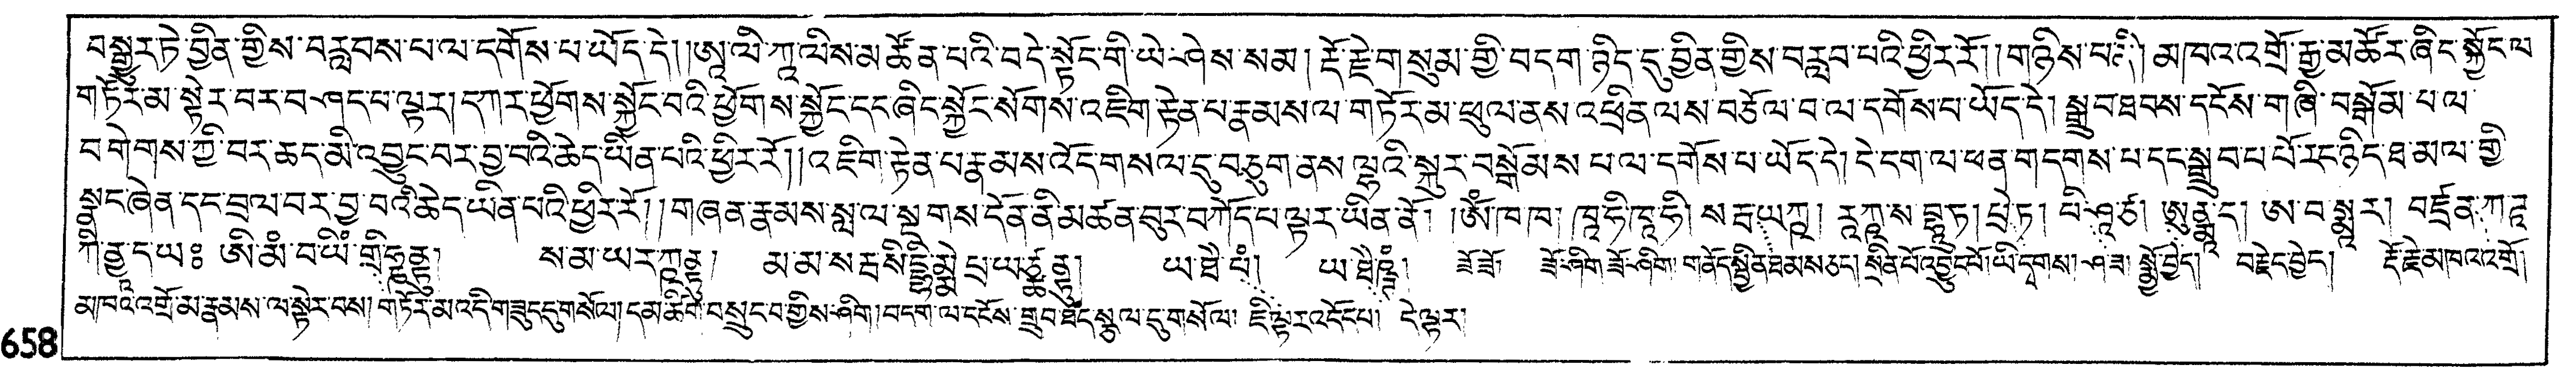བསྒྱུར་ཏེ་བྱིན་གྱིས་བརླབས་པ་ལ་དགོས་པ་ཡོད་དེ། །ཨཱ་ལི་ཀཱ་ལིས་མཚོན་པའི་བདེ་སྟོང་གི་ཡེ་ཤེས་སམ། རྡོ་རྗེ་གསུམ་གྱི་བདག་ཉིད་དུ་བྱིན་གྱིས་བརླབ་པའི་ཕྱིར་རོ། །གཉིས་པ་ནི། མཁའ་འགྲོ་རྒྱ་མཚོར་ཞིང་སྐྱོང་ལ་
གཏོར་མ་སྟེར་བར་བཤད་པ་ལྟར། དཀར་ཕྱོགས་སྐྱོང་བའི་ཕྱོགས་སྐྱོང་དང་ཞིང་སྐྱོང་སོགས་འཇིག་རྟེན་པ་རྣམས་ལ་གཏོར་མ་ཕུལ་ནས་འཕྲིན་ལས་བཅོལ་བ་ལ་དགོས་པ་ཡོད་དེ། སྒྲུབ་ཐབས་དངོས་གཞི་བསྒོམ་པ་ལ་
བགེགས་ཀྱི་བར་ཆད་མི་འབྱུང་བར་བྱ་བའི་ཆེད་ཡིན་པའི་ཕྱིར་རོ། །འཇིག་རྟེན་པ་རྣམས་འོད་གསལ་དུ་བཅུག་ནས་ལྷའི་སྐུར་བསྒོམས་པ་ལ་དགོས་པ་ཡོད་དེ། དེ་དག་ལ་ཕན་གདགས་པ་དང་སྒྲུབ་པ་པོ་རང་ཉིད་ཐ་མལ་གྱི་
སྣང་ཞེན་དང་བྲལ་བར་བྱ་བའི་ཆེད་ཡིན་པའི་ཕྱིར་རོ། །གཞན་རྣམས་སླ་ལ་སྔགས་དོན་ནི་མཚན་བུར་བཀོད་པ་ལྟར་ཡིན་ནོ། །ཨོཾ་ཁ་ཁ། ཁཱ་ཧི་ཁཱ་ཧི། སརྦ་ཡཀྵ། རཱཀྵ་ས་བྷཱུ་ཏ། པྲེ་ཏ། པི་ཤཱ་ཙ། ཨུནྨཱ་ད། ཨ་བ་སྨཱ་ར། བཛྲ་ན་ཀ་ཌཱ་
ཀི་ནྱ་ད་ཡཿ ཨི་མཾ་བ་ཡིཾ་གྲི་ཧྞནྟུ། ས་མ་ཡར་ཀྵནྟུ། མ་མ་སརྦ་སིདྡྷི་མྨེ་པྲ་ཡ་ཙྪ་ནྟུ། ཡ་ཐཻ་པཾ། ཡ་ཐཻ་ཥྚཾ། ཟོ་ཟོ། ཟོ་ཤིག་ཟོ་ཤིག །གནོད་སྦྱིན་ཐམས་ཅད། སྲིན་པོ་འབྱུང་པོ། ཡི་དྭགས། ཤ་ཟ། སྨྱོ་བྱེད། བརྗེད་བྱེད། རོད་རྗེ་མཁའ་འགྲོ།
མཁའ་འགྲོ་མ་རྣམས་ལ་སྟེར་བས། གཏོར་མ་འདི་གཟུང་དུ་གསོལ། དམ་ཚིག་བསྲུང་བ་གྱིས་ཤིག །བདག་ལ་དངོས་གྲུབ་ཐད་སྩལ་དུ་གསོལ། ཇི་ལྟར་འདོད་པ། དེ་ལྟར།